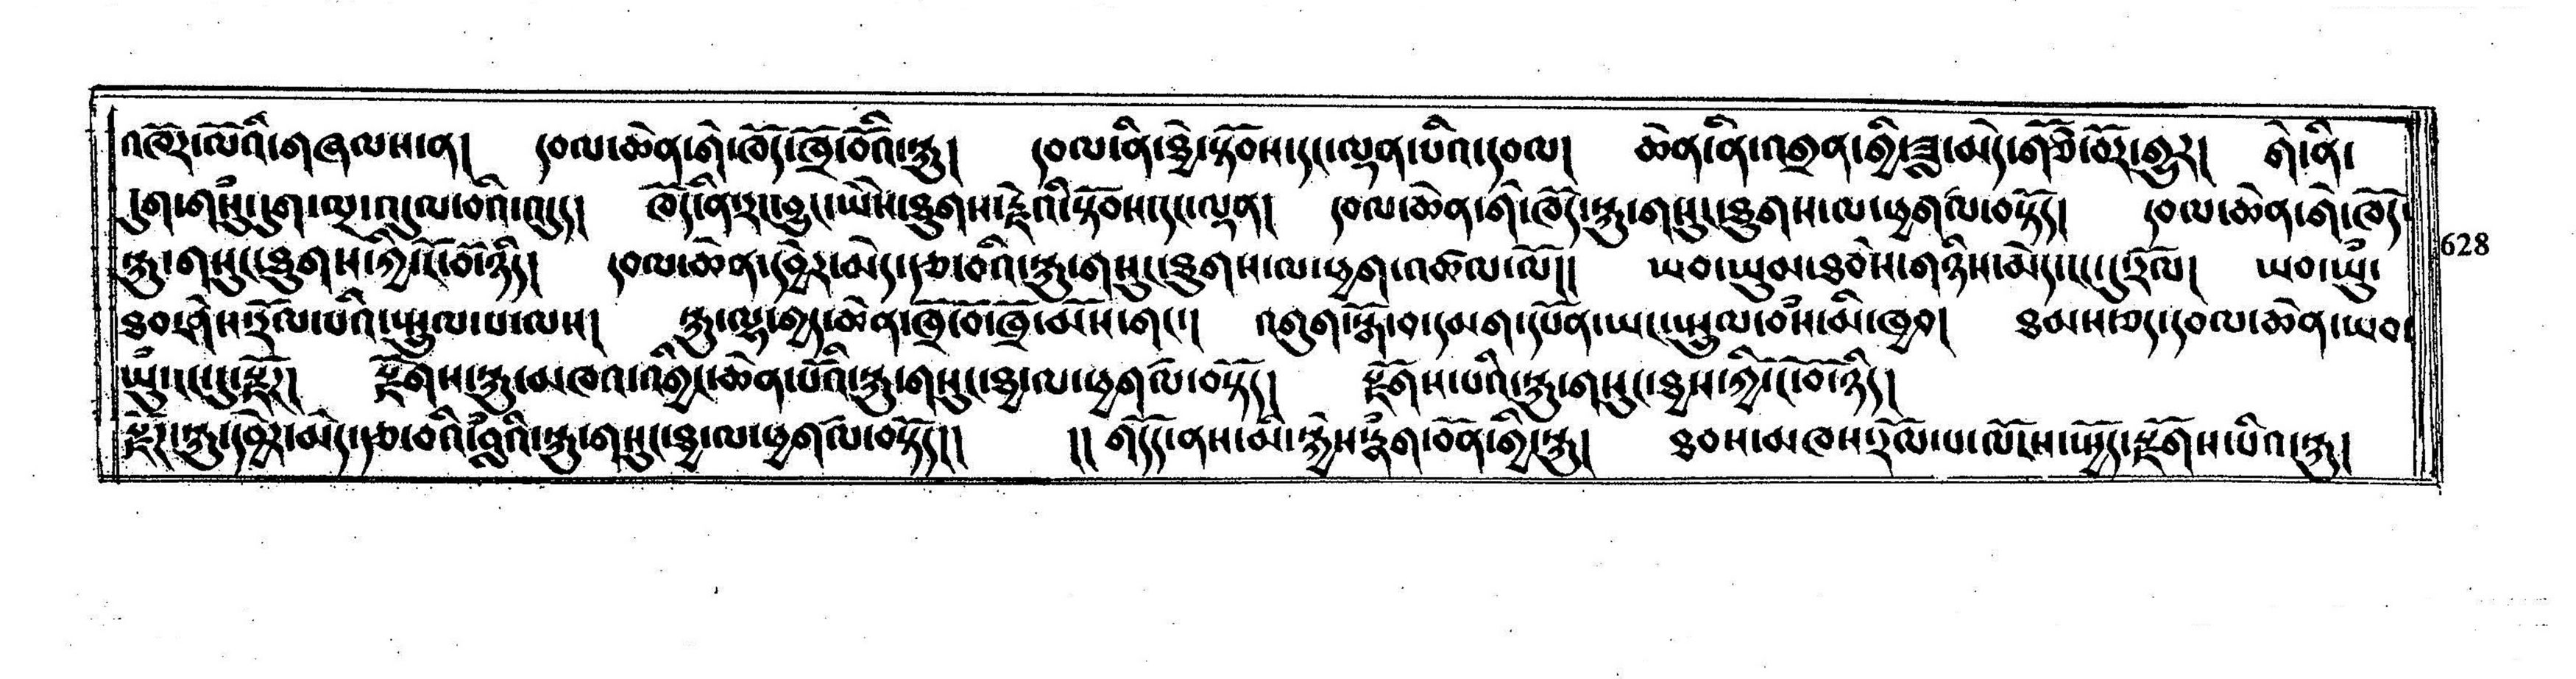འཁོར་ལོའི་གཞལ་ཡས་ན། དབལ་ཆེན་གེ་ཁོད་ཁྲོ་བོའི་སྐུ། དབལ་ནི་ཐུགས་རྗེ་སྟོབས་དང་ལྡན་པའི་དབལ། ཆེན་ནི་འགྲན་གྱི་ཟླ་མེད་གཙོ་བོར་གྱུར། གེ་ནི་
དུག་གསུམ་དུག་ལྔ་འདུལ་བའི་འདུད༼བདུད༽། ཁོད་ནི་རང་བྱུང་ཡེ་ཤེས་ཐུགས་རྗེའི་སྟོབས་དང་ལྡན། དབལ་ཆེན་གེ་ཁོད་སྐུ་གསུང་ཐུགས་ལ་ཕྱག་འཚལ་བསྟོད། དབལ་ཆེན་གེ་ཁོད་
སྐུ་གསུང་ཐུགས་ཀྱི་ངོ་བོ་ཉིད། དབལ་ཆེན་དབྱེར་མེད་རྩ་བའི་སྐུ་གསུང་ཐུགས་ལ་ཕྱག་འཚལ་ལོ།། ཡབ་ཡུམ་ཐབས་ཤེས་གཉིས་མེད་ངང་དུ་རོལ། ཡབ་ཡུམ་
ཐབས་ཤེས་རོལ་པའི་སྤྲུལ་པ་ལས། སྐུ་ལྷ་གྱད་ཆེན་ཁྲོ་བོ་ཁྲོ་མོས་གང་། འགུག་༼བྱེད༽སྒོ་བ་དམག་དཔོན་ཡང་སྤྲུལ་བསམ་མི་ཁྱབ། ཐམས་ཅད་དབལ་ཆེན་ཡབ་
ཡུམ་ངང་དུ་རྫོགས། རྫོགས་སྐུ་མཁའ་འགྱིང་ཆེན་པོའི་སྐུ་གསུང་ཐུགས་ལ་ཕྱག་འཚལ་བསྟོད། རྫོགས་པའི་སྐུ་གསུང་ཐུགས་ཀྱི་ངོ་བོ་ཉིད། 
རྫོགས་སྐུ་དབྱེར་མེད་རྩ་བའི་བླ་མའི་སྐུ་གསུང་ཐུགས་ལ་ཕྱག་འཚལ་བསྟོད།། །།གདོད་ནས་མི་སྐྱེ་རྣམ་དག་བོན་གྱི་སྐུ། ཐབས་མཁས་རོལ་པ་ལོངས་སྤྱོད་རྫོགས་པའི་སྐུ།